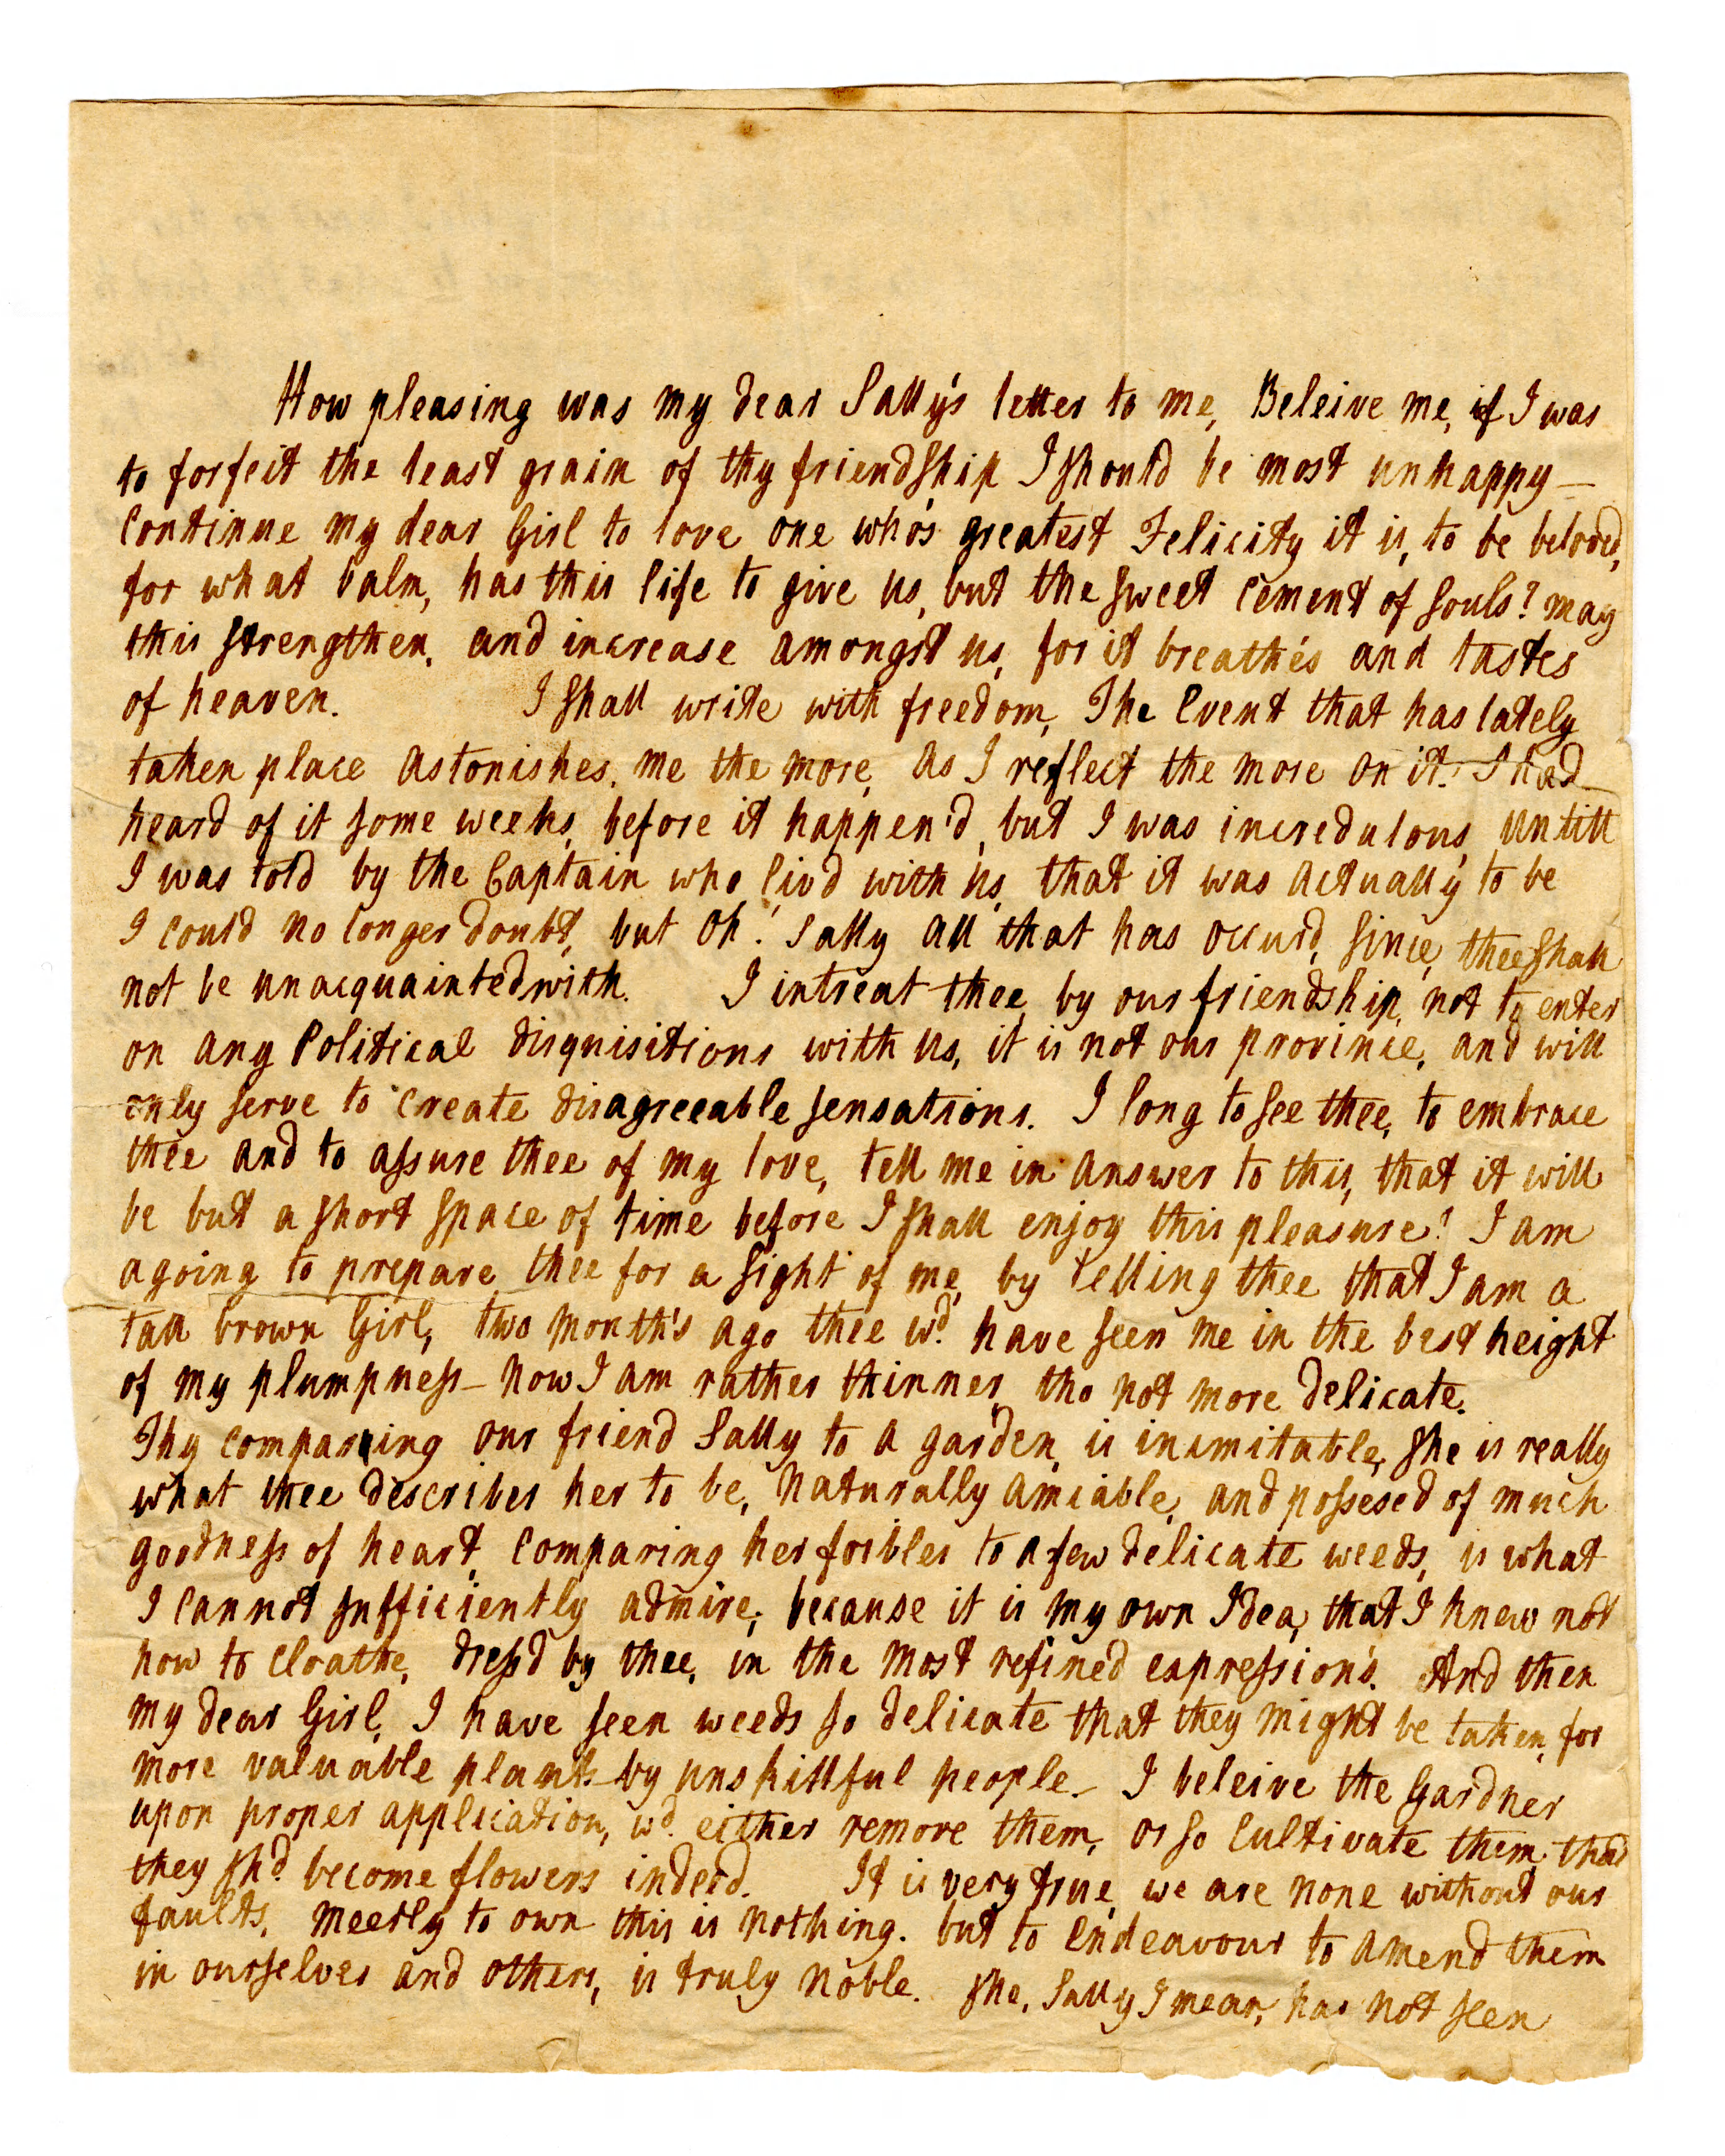How pleasing was my dear Sally's letter to me, Beleive me, if I was
to forfeit the least grain of thy friendship I should be most unhappy-
continue my dear Girl to love one who's greatest Felicity it is, to be beloved,
for what balm, has this life to give us, but the sweet cement of souls? may
this strengthen and increase amongst us for it breathes and tastes
of heaven.
I shall write with freedom, The event that has lately
taken place astonishes me the more, as I reflect the more on it. I had
heard of it some weeks before it happen'd, but I was incredulous untill
I was told by the Captain who livd with us that it was actually to be
I could no longer doubt, but Oh! Sally all that has occurd since thee shall
not be unacquainted with.
I intreat thee by our friendship not to enter
on any Political disquisitions with us, it is not our province and will
only serve to create disagreeable sensations. I long to see thee, to embrace
thee and to assure thee of my love, tell me in answer to this, that it will
be but a short space of time before I shall enjoy this pleasure! I am
agoing to prepare thee for a sight of me, by telling thee that I am a
tall brown Girl, two months ago thee w.^d have seen me in the best height
of my plumpess- now I am rather thinner tho not more delicate.
Thy comparing our friend Sally to a garden is inimitable, she is really
what thee describes her to be, naturally amiable and possesed of much
goodness of heart comparing her foibles to a few delicate weeds, is what
I cannot sufficiently admire, because it is my own idea, that I knew not
how to cloathe dressd by thee in the most refined expression's. And then
my dear Girl, I have seen weeds so delicate that they might be taken for
more valuable plants by unskillful people. I believe the Gardner
upon proper application, w^d. either remove them, or so cultivate them that
they sh^d. become flowers indeed.
It is very true, we are none without our
faults, meerly to own this is nothing. but to endeavour to amend them
in ourselves and others, is truly noble. She, Sally I mean, has not seen